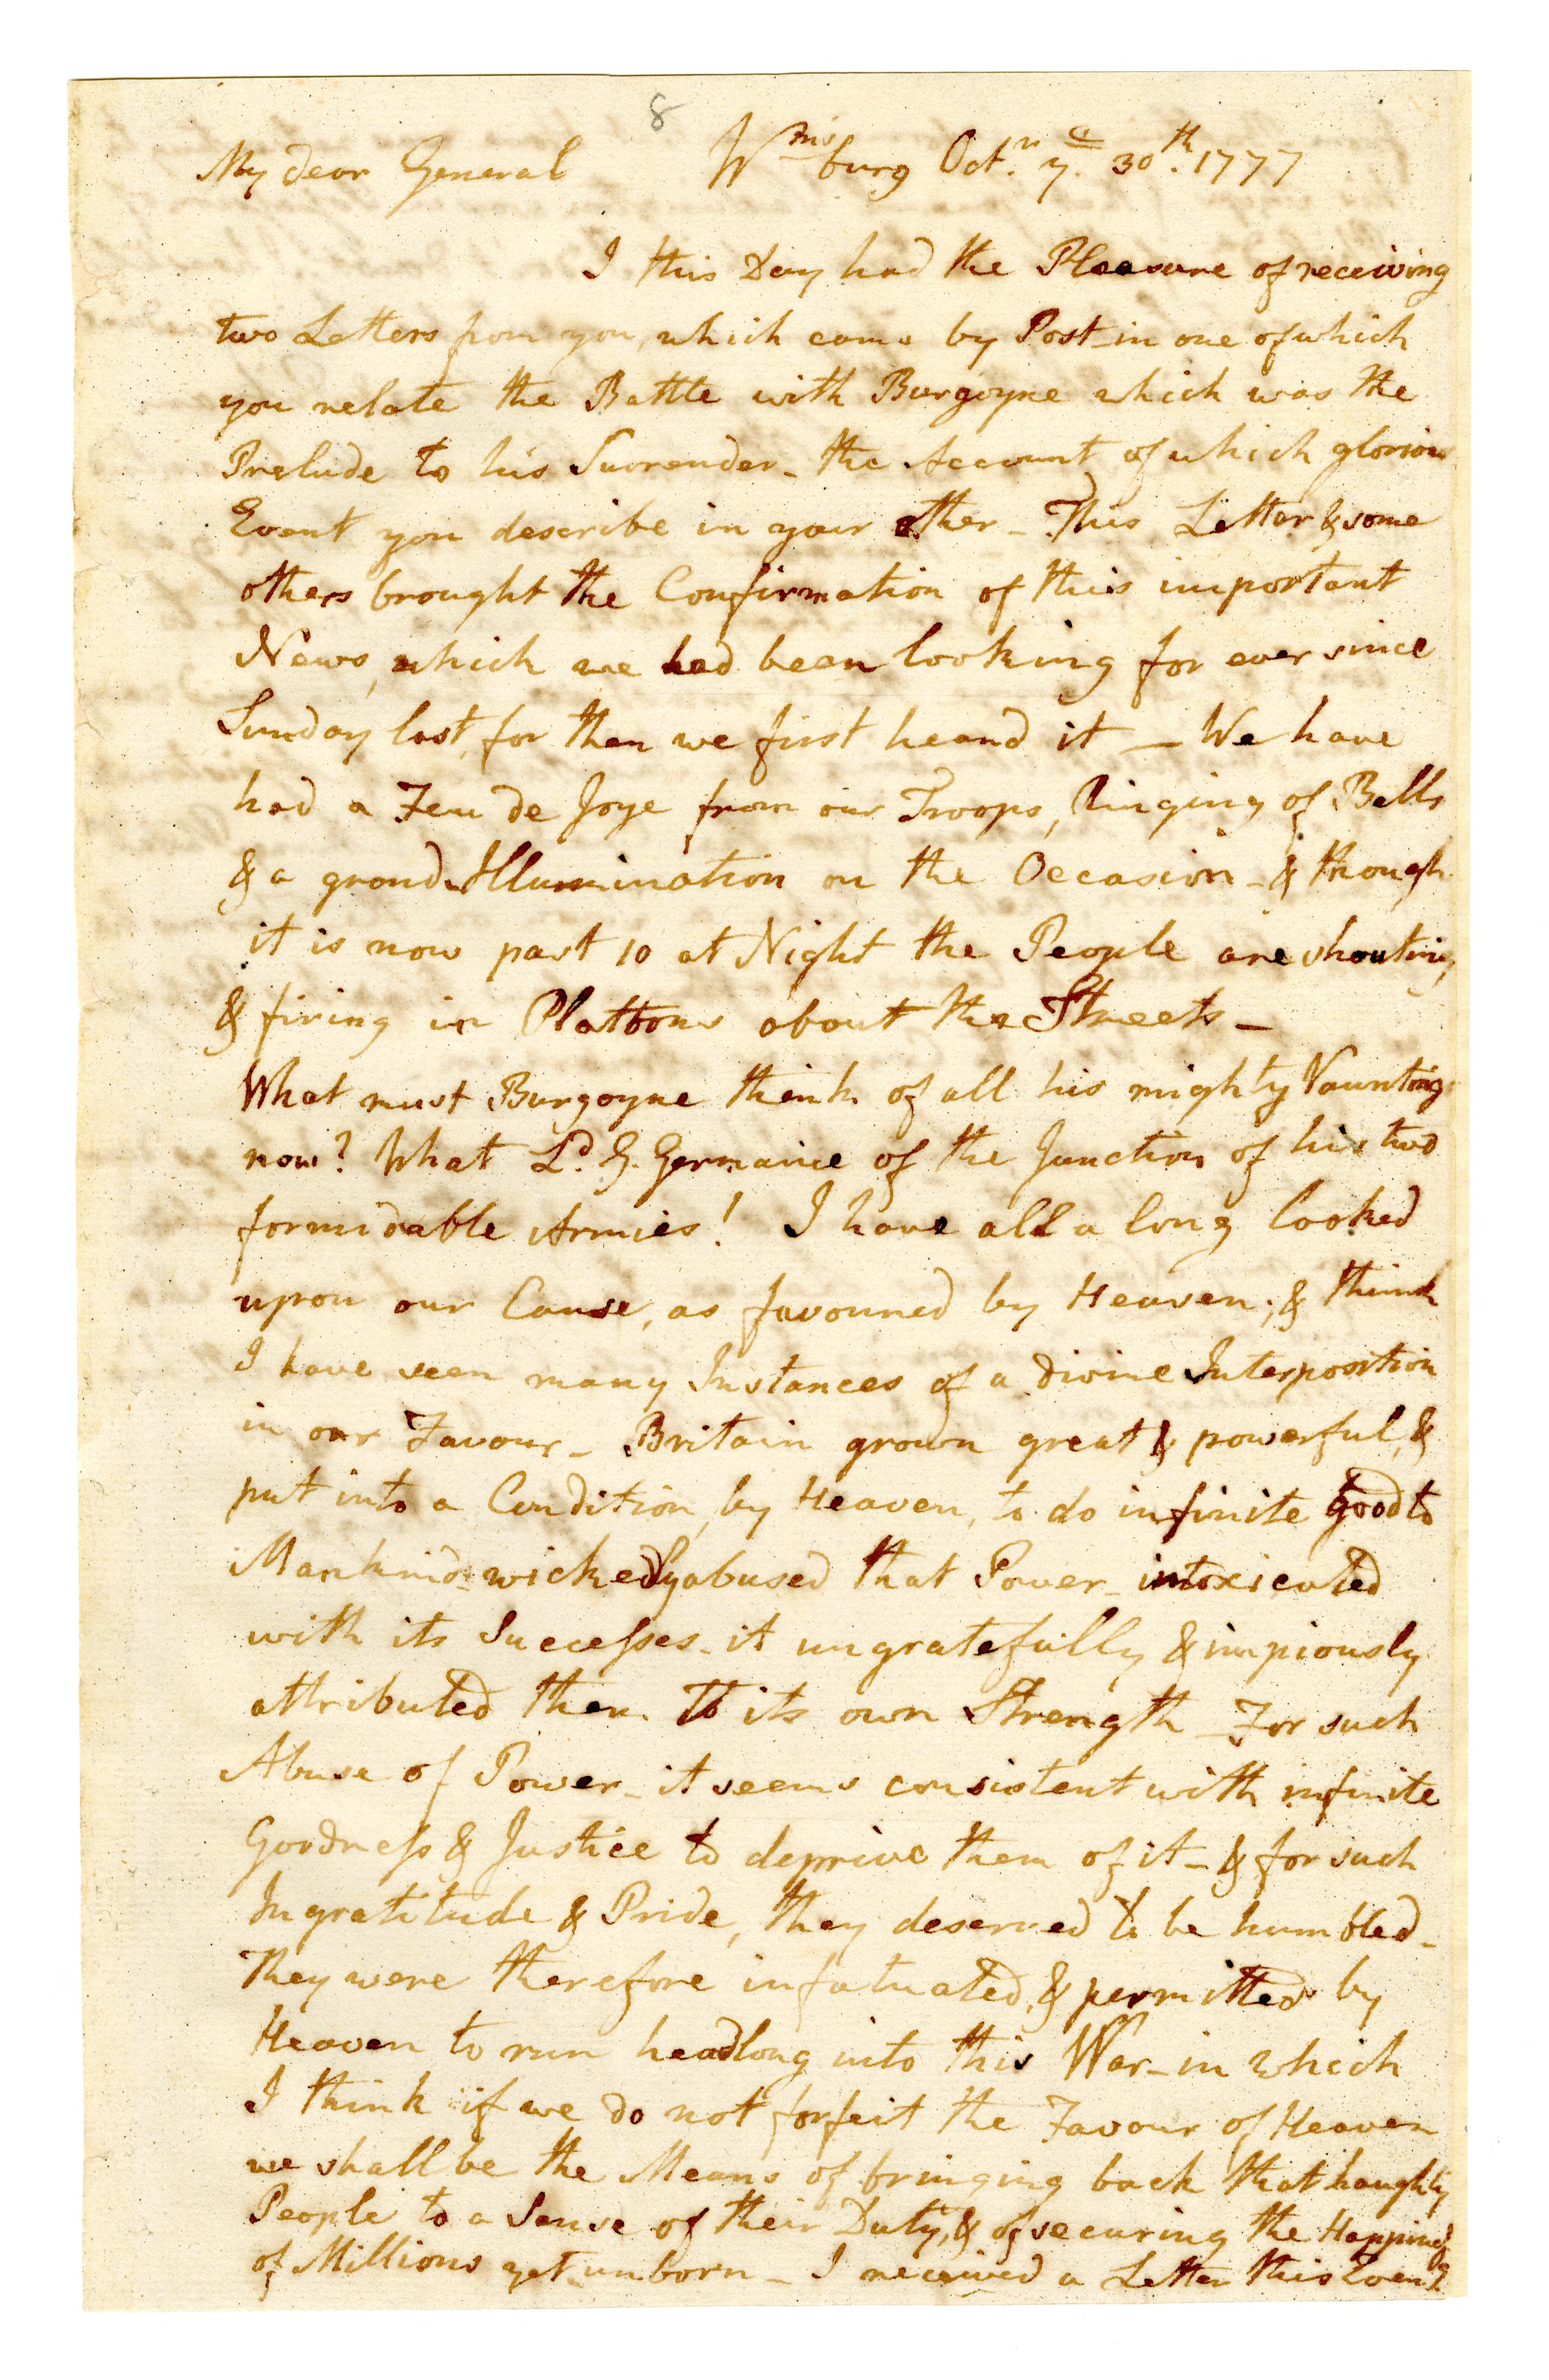W^msburg Oct^r. y^e 30^th. 1777
My dear General
I this Day had the Pleasure of receiving
two Letters from you which came by Post- in one of which
you relate the Battle with Burgoyne which was the
Prelude to his Surrender. the Account of which glorious
Event you describe in your other- This Letter & some
others brought the Confirmation of this important
News, which we had been looking for ever since
Sunday last, for then we first heard it- We have
had a Feu de Joye from our Troops, Ringing of Bells
& a ground Illumination on the Occasion- & though
it is now past 10 at Night the People are shouting
& firing in Plattoons about the Streets-
What must Burgoyne think of all his mighty Vaunting
now? what L^d. G. Germaine of the Junction of his two
formidable Armies! I have all a long looked
upon our Cause as favoured by Heaven; & think
I have seen many Instances of a divine Interposition
in our Favour- Britain grown great & powerful, &
put into a Condition by Heaven to do infinite good to
Mankind wickedly abused that Power- intoxicated
with its sucessess, it ungratefully & impiously
attributed them to its own Strength- For such
Abuse of Power- it seems consistent with infinite
Goodness & Justice to deprive them of it- & for such
Ingratitude & Pride, they deserved to be humbled.
They were therefore infatuated & permitted by
Heaven to run headlong into this War- in which
I think if we do not forfeit the Favour of Heaven
we shall be the Means of bringing back that haughty
People to a Sense of their Duty; & securing the Happiness
of Millions yet unborn- I received a Letter this Even^g.